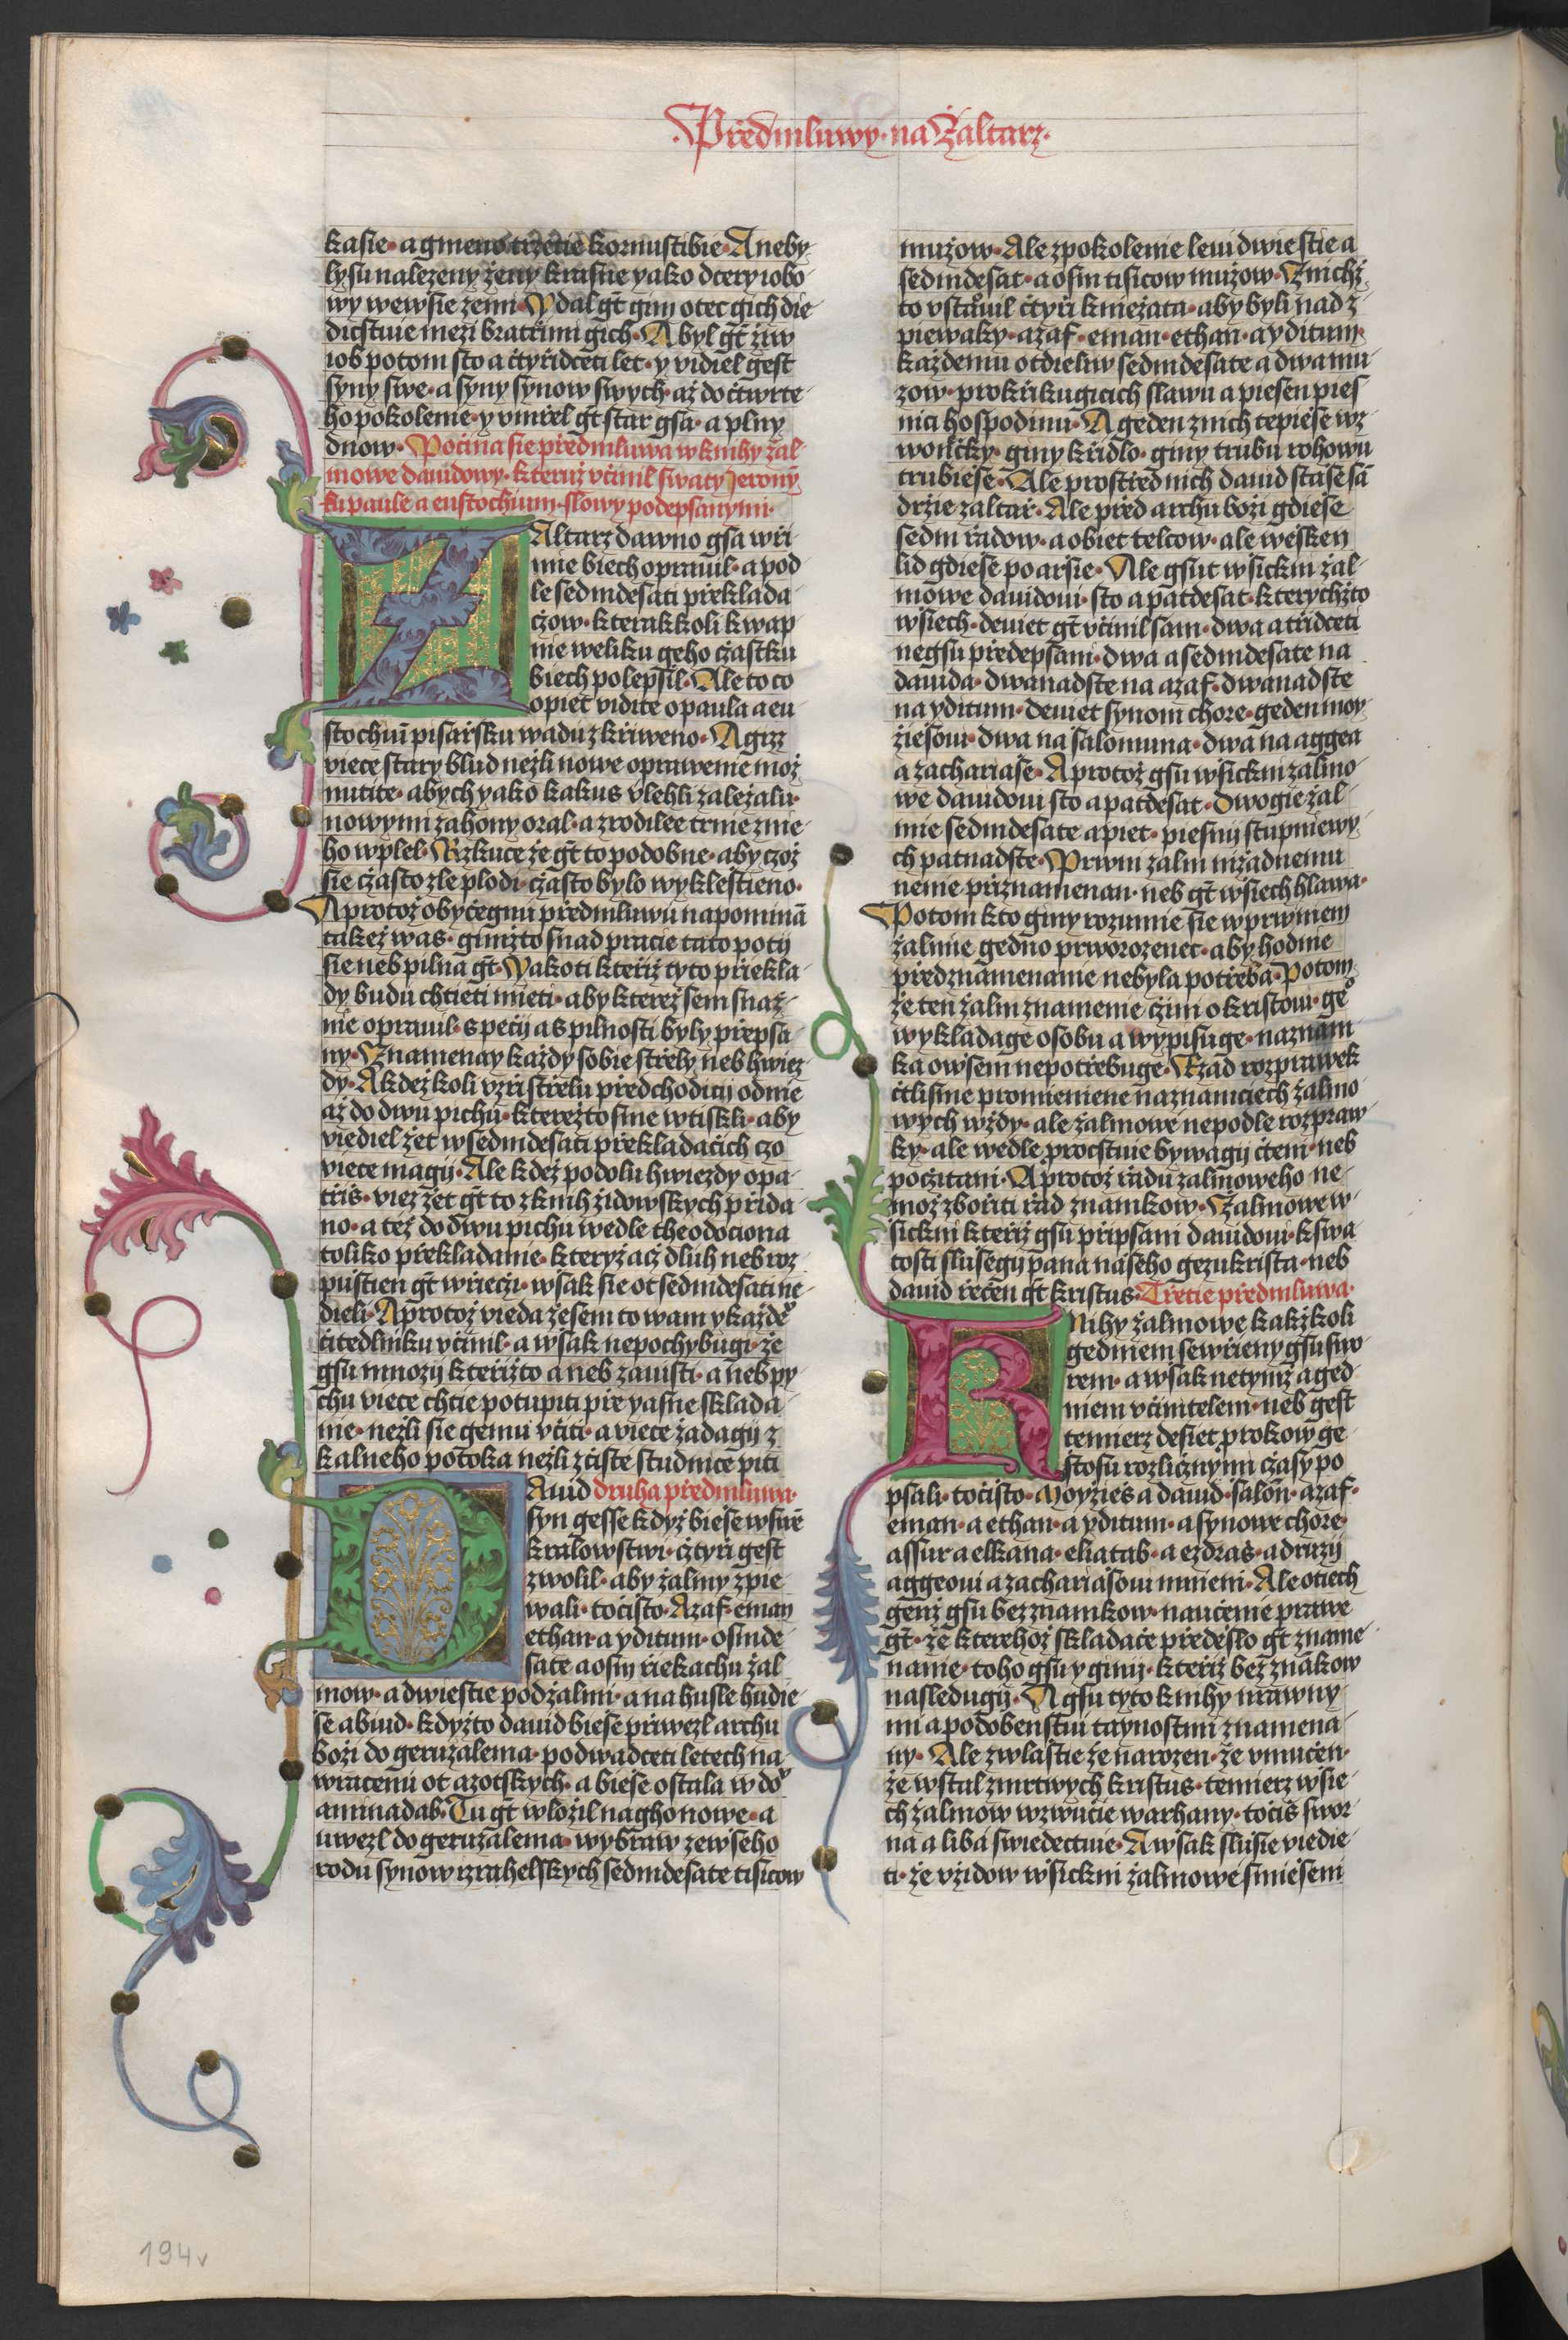kaſie a gmeno tizetie kornuſtibie. A neby¬
lyſu nalezeny żeny kraſne yako dcery iobo¬
wy we wẛie zemi.Y dal ḡt gim otec gich die¬
dicſtwie mezi bratṙimi gich.A byl ḡt żiw
iob potom ſto a ċtyṙidceti let.y vidiel geſt
ſyny ſwe.a ſuny ſynow ſwych.aż do ċtwrte¬
ho pokolenie.y umṙel ḡt ſtar gſa.a plny
dnow.Poċina ſie pṙedmluwa w knihy zal¬
mowe davidowy.kteruż uċinil ſwaty Ieronȳ
ku paule a enſtochium.ſlowy podepſanymi.
Altarz dawno gſa wṙi¬
mie biech oprauil.a pod¬
le ſedmedeſati pṙeklada¬
cżow.kterakkoli kwap¬
nie weliku geho cżaſtku¬
biech polepẛil.Ale to co
opiet vidite opaula a eu¬
stochui piſaṙẛku wadú zkṙiweno.A gizz
víecze ſtary blud neżli nowe oprawenie moż¬
nutite.abych yako kakus vlehli zależalu.
nowymi zakony ozal.a zrodilee trníe z nie¬
ho ſoplel.Rzkuce że ḡt to podobne.aby czoż
ſie cżaſto zle plodi.cżaſto bylo wykleẛtieno.
A protož obyċegnú pṙedmluwú naopmina
takteż was.gimżto ſnad pracie tato potij¬
ſie neb pilna ḡt.Yakoti kteṙíż tyto pṙiekla¬
dy budú chtieti mieti.aby kterež ſem ſnaž¬
nie opravil.s pečij a s pilnoſtí byly pṙiepſa¬
ny.Znamenay každy ſobie ſtṙely neb hwiez¬
dy.A kdeżkoli uzṙi ſtṙelu pṙedchodícij odníe
aż do dwu pichú.ktereżto ſme wtiſkli.aby
viedel żet w ſedmdeſati pṙekladaċích zo¬
víete magij.Ale kdež podolu hwiezdy opa¬
tříṡ. viez żet ḡt to z knih żidowſkych pṙida¬
no.a též do dwu pichú wedle theodocioria
toliko pṙekladaníe.kteryż acż dlúh neb roz¬
puẛtien ḡt wṙiecżi.wẛak ſie ot ſedmdeſati ne¬
dielí.Aprotoż vieda żeſem to wam y każdev
ċitedlniku uċinil.a wẛak nepochybugi.że¬
gſu mnozij kteṙiżto a neb zauiſtí.a neb py¬
chu viece chtíe potupiti pṙe yaſne ſklada¬
nie.neżli ſie gemu uċiti.a viece żadagij z
kallneho potoka nežli zċiſté ſtudnice píti
Avid druha předumluwa.
ſyn geſſe když bieẛe wſwé
kralowſtvwi.ċtyṙi gest
zwolil.aby żalmy zpie¬
wali.toċiſto.Azaf.eman
ethan a yditum.oſsmde¬
ſate a oſm ṙíekachu żal¬
mow.a dwieſtie podżalmí.a na huſle hudie¬
ẛe abíud.kdyżto david bíeẛe pṙiwezl archu
bożí do geruzalema.podwadceti letech na¬
wracenú ot azotſkych.a bieẛe oſtala w dov
aminadab.Tu ḡt wložil naghonowe..a
uwezl do geruzalema.wybraw zewẛeho
rodu ſynow izrahelſkych ſedmdeſate tiſicow
.Pṙedmluwy.na Żaltarz.
mużow.Ale zpokolenie levi dwieſtie a
ſedmdeſat.oſm tiſicow mużow.Znichż
to uſtaovil ċtyṙi knieżata.aby byli nad z¬
piewaky.azaf.eman.ethan.a yditum.
każdemu otdieliw ſedmdeſate a dwa mu¬
zow.prokṙikugicich ſlawu a pieſen pieſ¬
nia hoſpodinu.A geden znich tepieẛe wz¬
wonečky. giny kṙídlo.giny trubu rohowu
trubieẛe.Ale proſtṙed nich david ſtaſe ſa¬
držíe zaltaṙ.Ale pṙed archu boží gdíeẛe
ſedm ṙadow.a obiet telcow.ale weẛken
lid gdieẛe po arẛíe.Ale gſut wẛickni żal¬
mowe davidovi.ſto a patdeſat.kterychžto
wẛiech.devíet ḡt uċinil ſám.dwa a tṙidceti
negſu pṙedepſani.dwa a ſedmdeſate na
davida.dwanadſte na azaf.dwanadſte
na yditum.deviet ſynom choze.geden moy¬
żieẛow.dwa na ẛalomuna.dwa na aggea
a zachariaẛe.A protož gſu wẛickni zalmo¬
we davidovi ſto a patdeſat.Dwogie żal¬
mie ſedmdeſate a piet.píeſnij ſtupniewy¬
ch patnadſte.Prwní zalm niżadnemu
nenie přiznamenan.neb ḡt wſiech hlawa.
Potom kto giny rozumie ſie wprwniem
žalmie gedno prworozenec.aby hodnie
předznamenanie nebyla potṙeba Potom
že ten żalm znamenie cżiní o kriſtovi.geo
wykladage oſobu a wypiſuge.naznam¬
ka owẛem nepotṙebuge.Ezad rozprawelz
ċtliſme promieniene naznamcíech żalmo¬
wych wżdy.ale żalmowé nepodle rozpraw¬
ky.ale wedle ꝓrocſtvie bywagij ċteni.neb
pocżitani.A protoż ṙadu zalmoweho ne¬
moż zboṙiti ṙad znamkow.Żalmowe w¬
ẛickni kteṙíż gſu pṙipſani davidovi.kſwa¬
toẛti ſluẛegu pana naẛeho gezukriſta.neb
david ṙeċen ḡt kriſtus.Tṙetie pṙedmluwa.
nihy żalmowe kakżkoli
gedniem ſewříeny gſu ſvo¬
rem.a wẛak netymż a ged¬
niem uċinitelem.neb geſt
temierz deſiet ꝓrokow ge¬
ẛtoſu rozlicžnymi cżaſy po¬
pſali.točiẛto.Moyżieš a david.ẛalon.azaf.
eman.a ethan.a yditum.a ſunowe chozeſ.
aſſur a elkana.eliatab.a ezdraṡ.a druzij
aggeovi a zachariaẛow mnieni.Ale otiech
genż gſu bez znamkow.nauċeníe prawe¬
ḡt.ze kterehož ſkladaċe předeẛlo ḡt zname¬
nanie.toho gſu y ginij.kteṙíż bez znakow
naſledugij.A gſu tyto knihy mrawny¬
mi a podobenſtví taynoſtmi znamena¬
ny.Ale zwlaẛtie že narozen.ze umuċen.
że wſtal zmrtwych.kriſtus.temierz wẛie¬
ch żalmow wzwuċíe warhany.toċiṡ ſwor¬
na a libá ſwiedectvíe.Awẛak ſluẛie viedie¬
ti.že vžidow wẛickni żalmowé ſmieẛeni